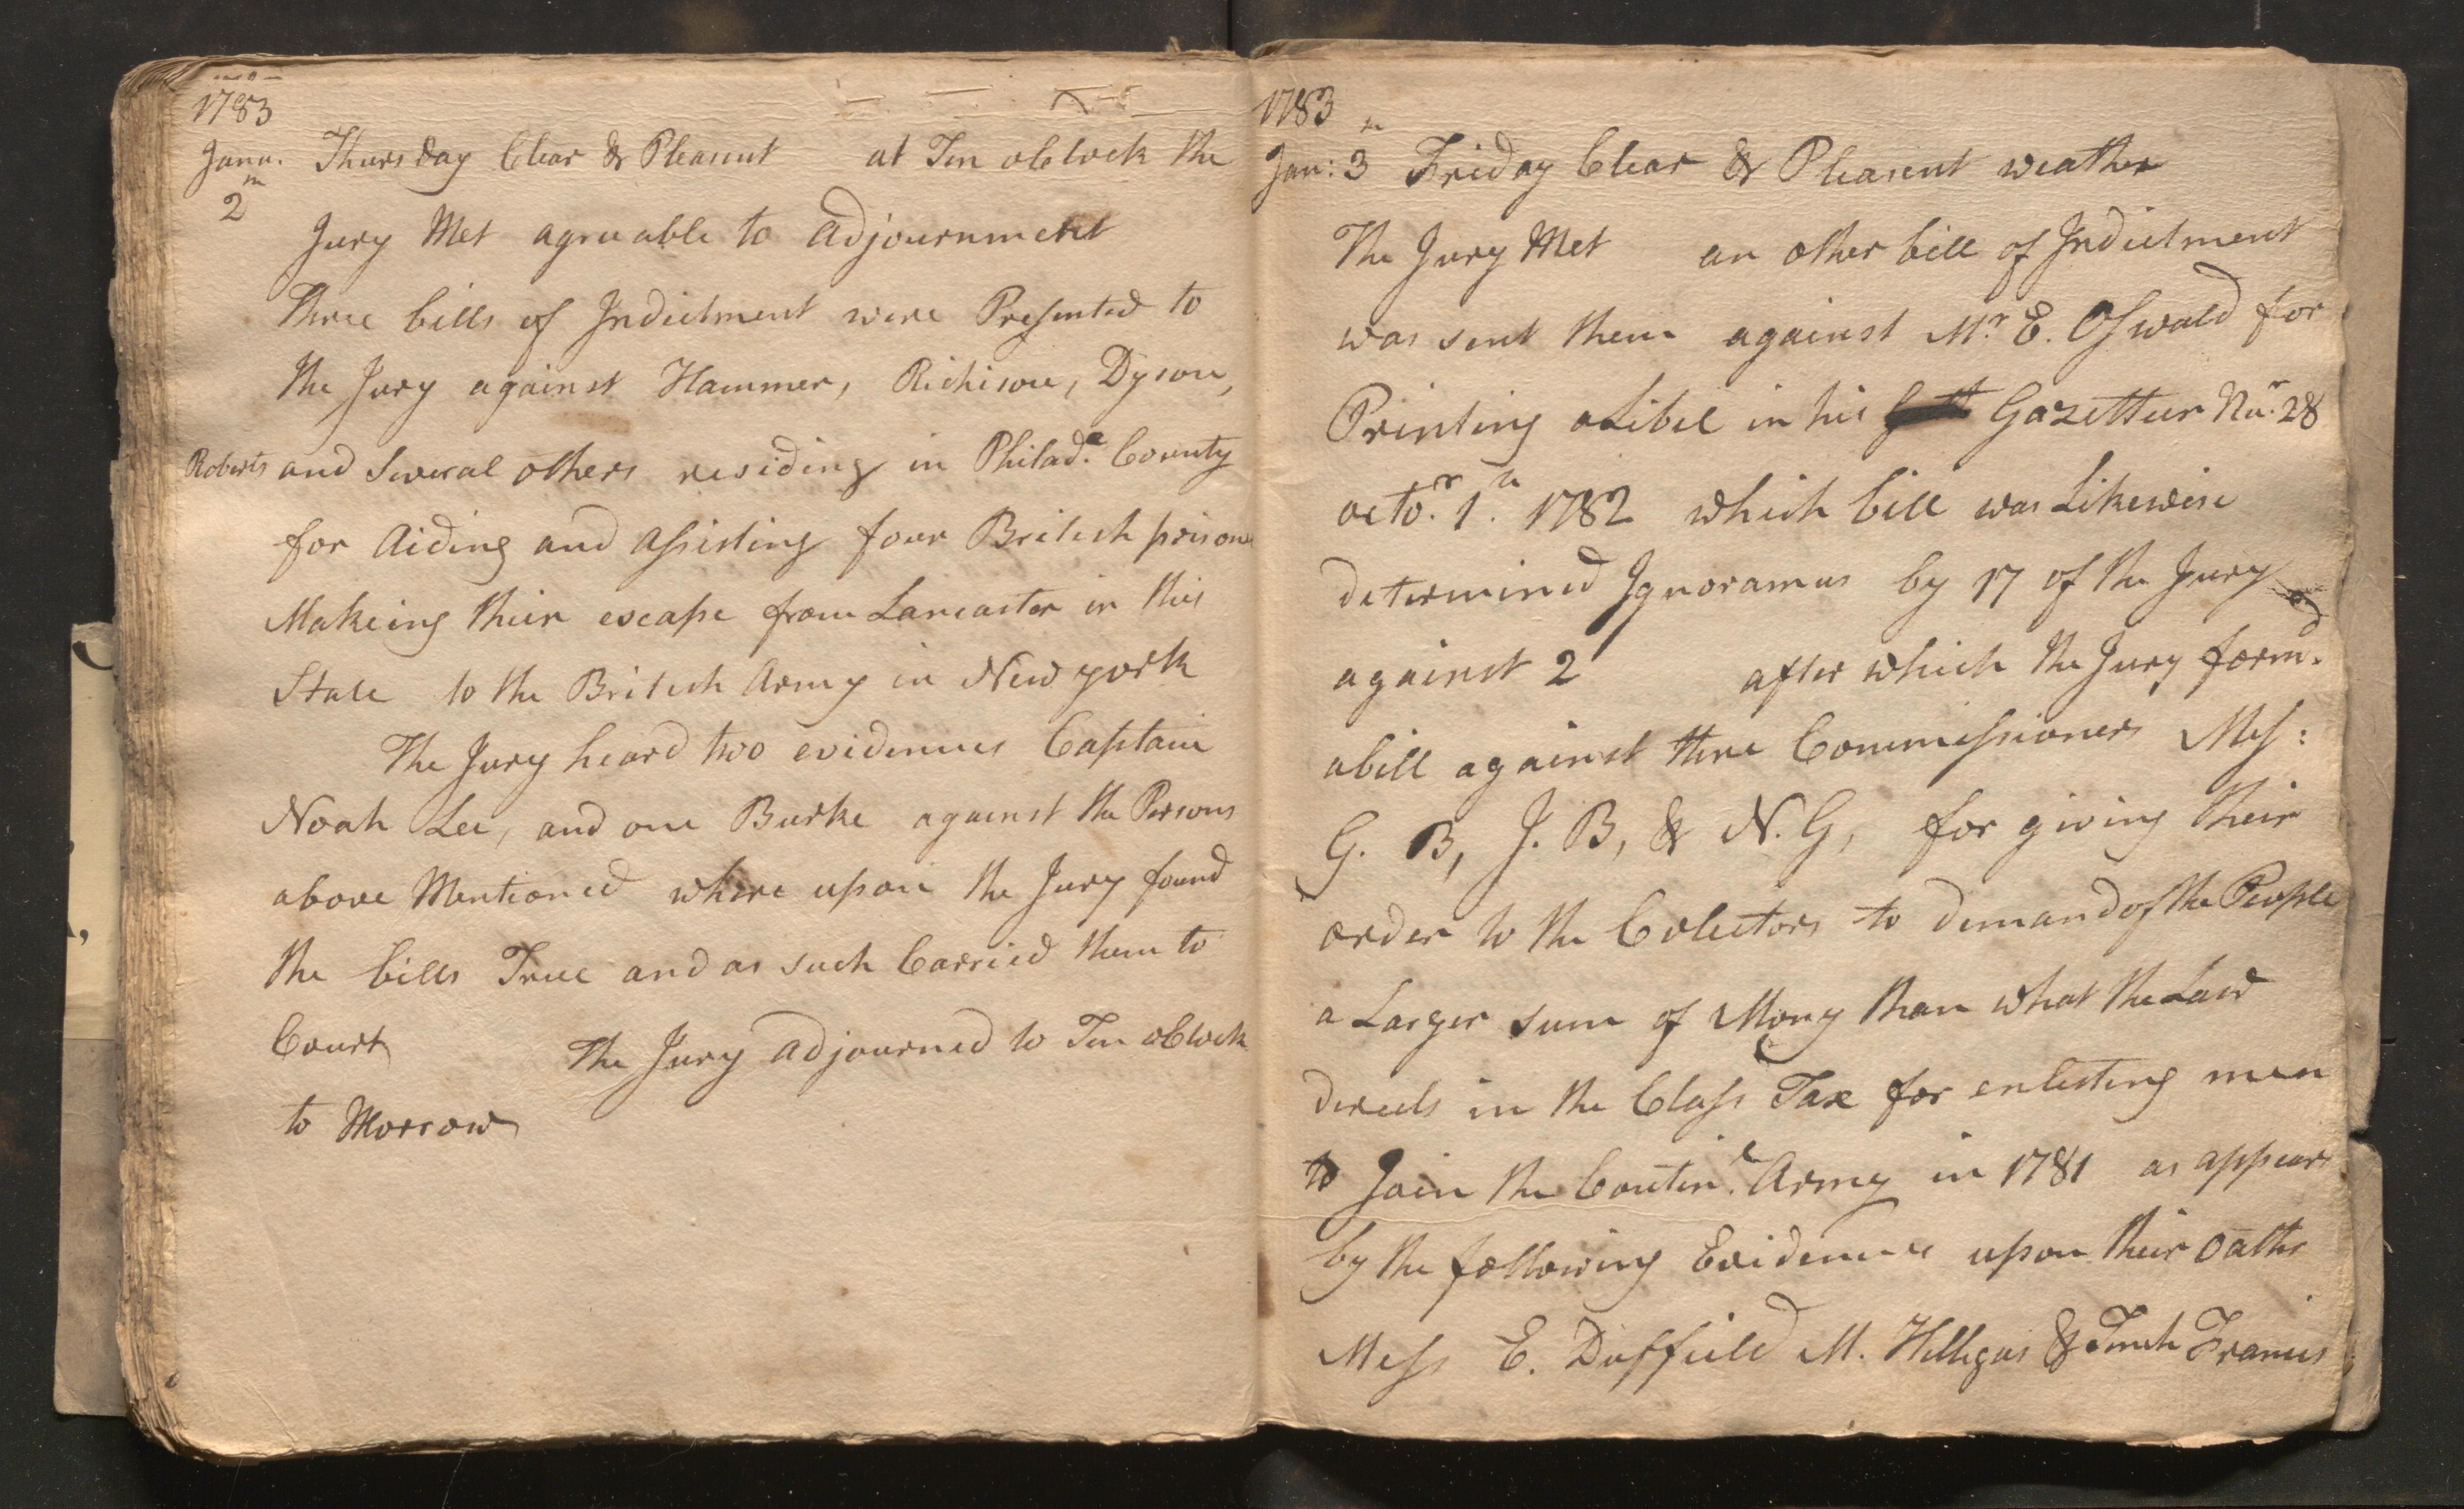1783
Janu. Thursday Clear & Pleasent at Ten oClock the
2^th
Jury Met agreeable to Adjournment
Three bells of Indietment were Presented to
the Jury against Hammer, Richison, Dyson
Roberts and Several others residing in Philad^a. County
for Aiding and assisting four Britich prison
Makeing their escape from Lancaster in this
Stale to the British Army in New york
The Jury heard two evidences Captain
Noak Lee, and one Burke against the Persons
above Mentioned where upon the Jury found
the bills True, and as such Carried them to
Court
The Jury adjourned to Ten oClock
to Morrow
1783
Jan: 3 Friday Clear & Pleasent weather
The Jury Met an other bill of Indictment
was sent them against M^r. E. Oswald for
Printing a Libel in his [Gatt] Gazetteer Nu^r. 28
octo^r. 1^th. 1782. which bill was Likewise
determined Ignoramus by 17 of the Jury
against 2 after which the Jury form^d.
a bill against thre Commissioners Me^r:
G.B. J.B, & N.G, for giving their
order to the Colectors to demand of the People
a Larger sum of Mony than what the Law
directs in the Class Tax for enlisting men
to Join the Contin^l. Army in 1781 as appears
by the following Evidences upon their oaths
Mess E. Duffield M. Hilligas & Tench Frances